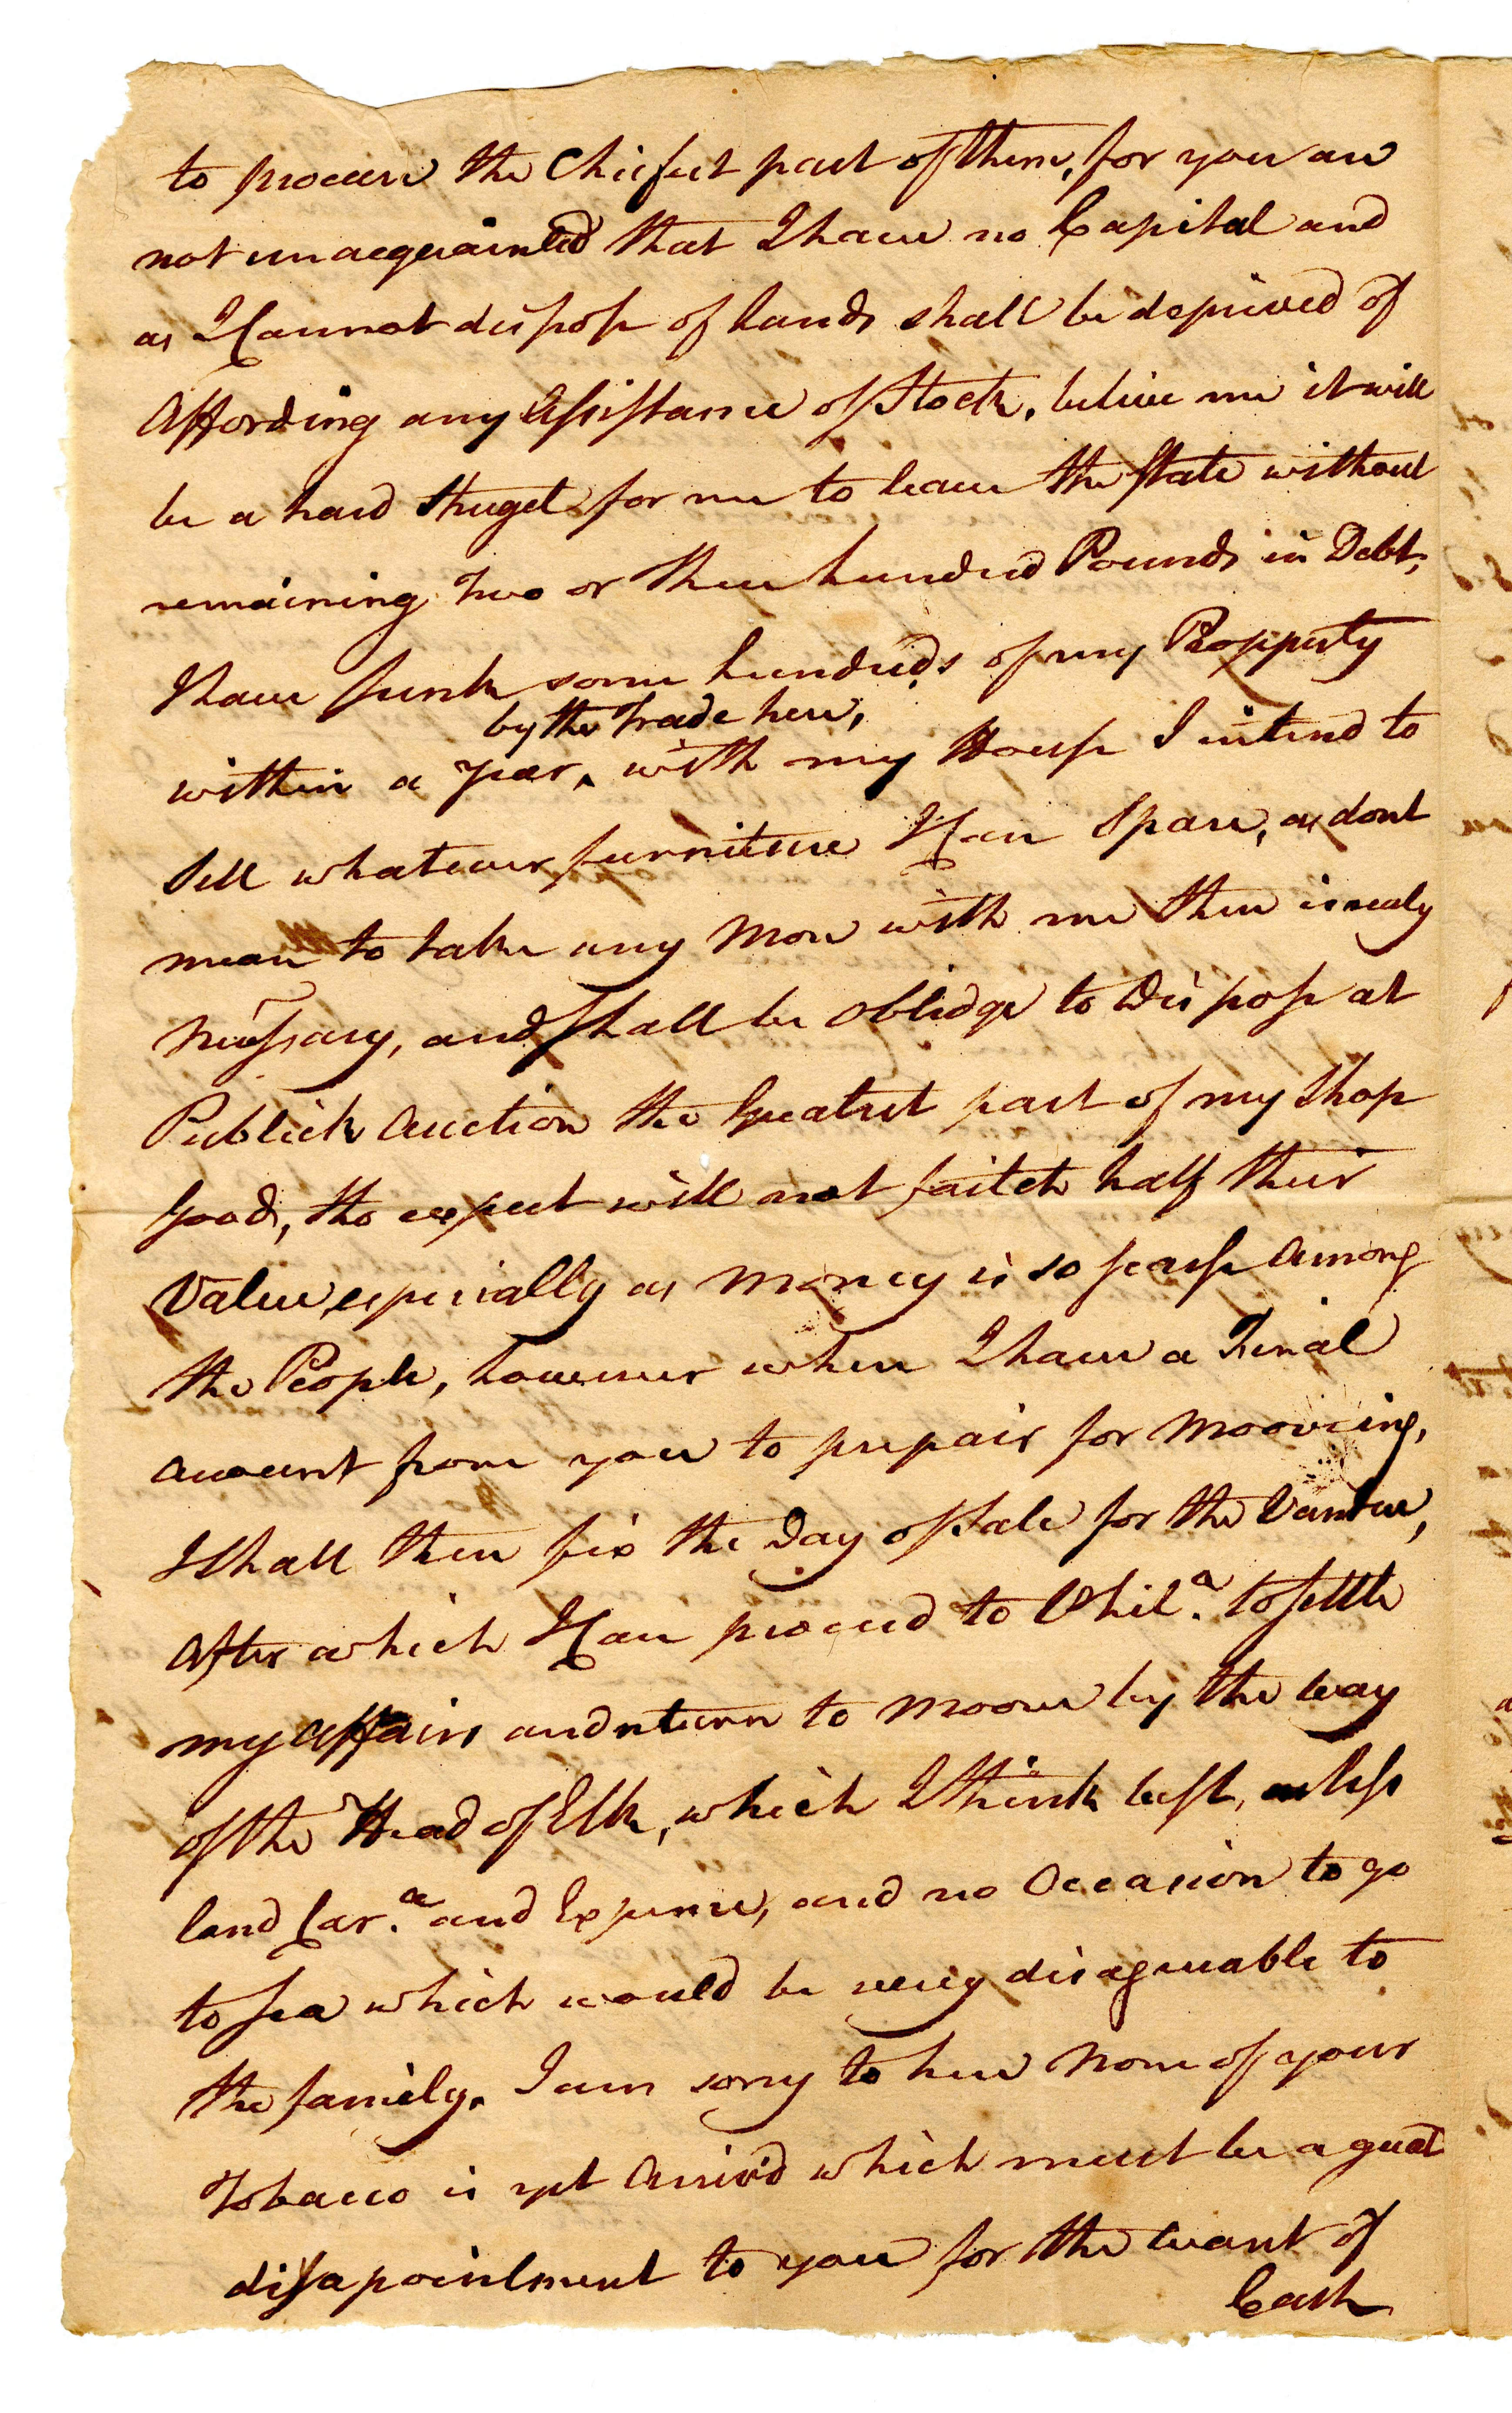to procure the Chiefest part of them, for you are
not unacquainted that I have no capital and
as I Cannot dispose of Lands shall be deprived of
Affording any Assistance of Stock, believe me it will
be a hard strugel for me to leave the state without
remaining Two or three hundred Pounds in Debt
I have sunk, some hundreds of my propperty
by the Trade here,
within a year, with my House I intend to
Sell whatever furniture I can spare, as dont
mean to take my more with me then is realy
necessary, and shall be oblidge to Dispose at
Publick auction the Greater part of my shop
goods, tho expect will not faitch half their
Value especially as money is so scarse Among
the People, however when I have a Final
account from you to prepair for mooving,
I shall then fix the Day of sale for the vandue,
After which I can proceed to Phil^a to settle
my affairs and turn to moove by the way
of the Head of Elk, which I think best, less
land Car^ae. and Expense, and no Occasion to go
to Sea which would be very disagreeable to
the family. I am sorry to here none of your
tobacco is yet Arriv'd which must be a great
disapointment & to you for the event of
back